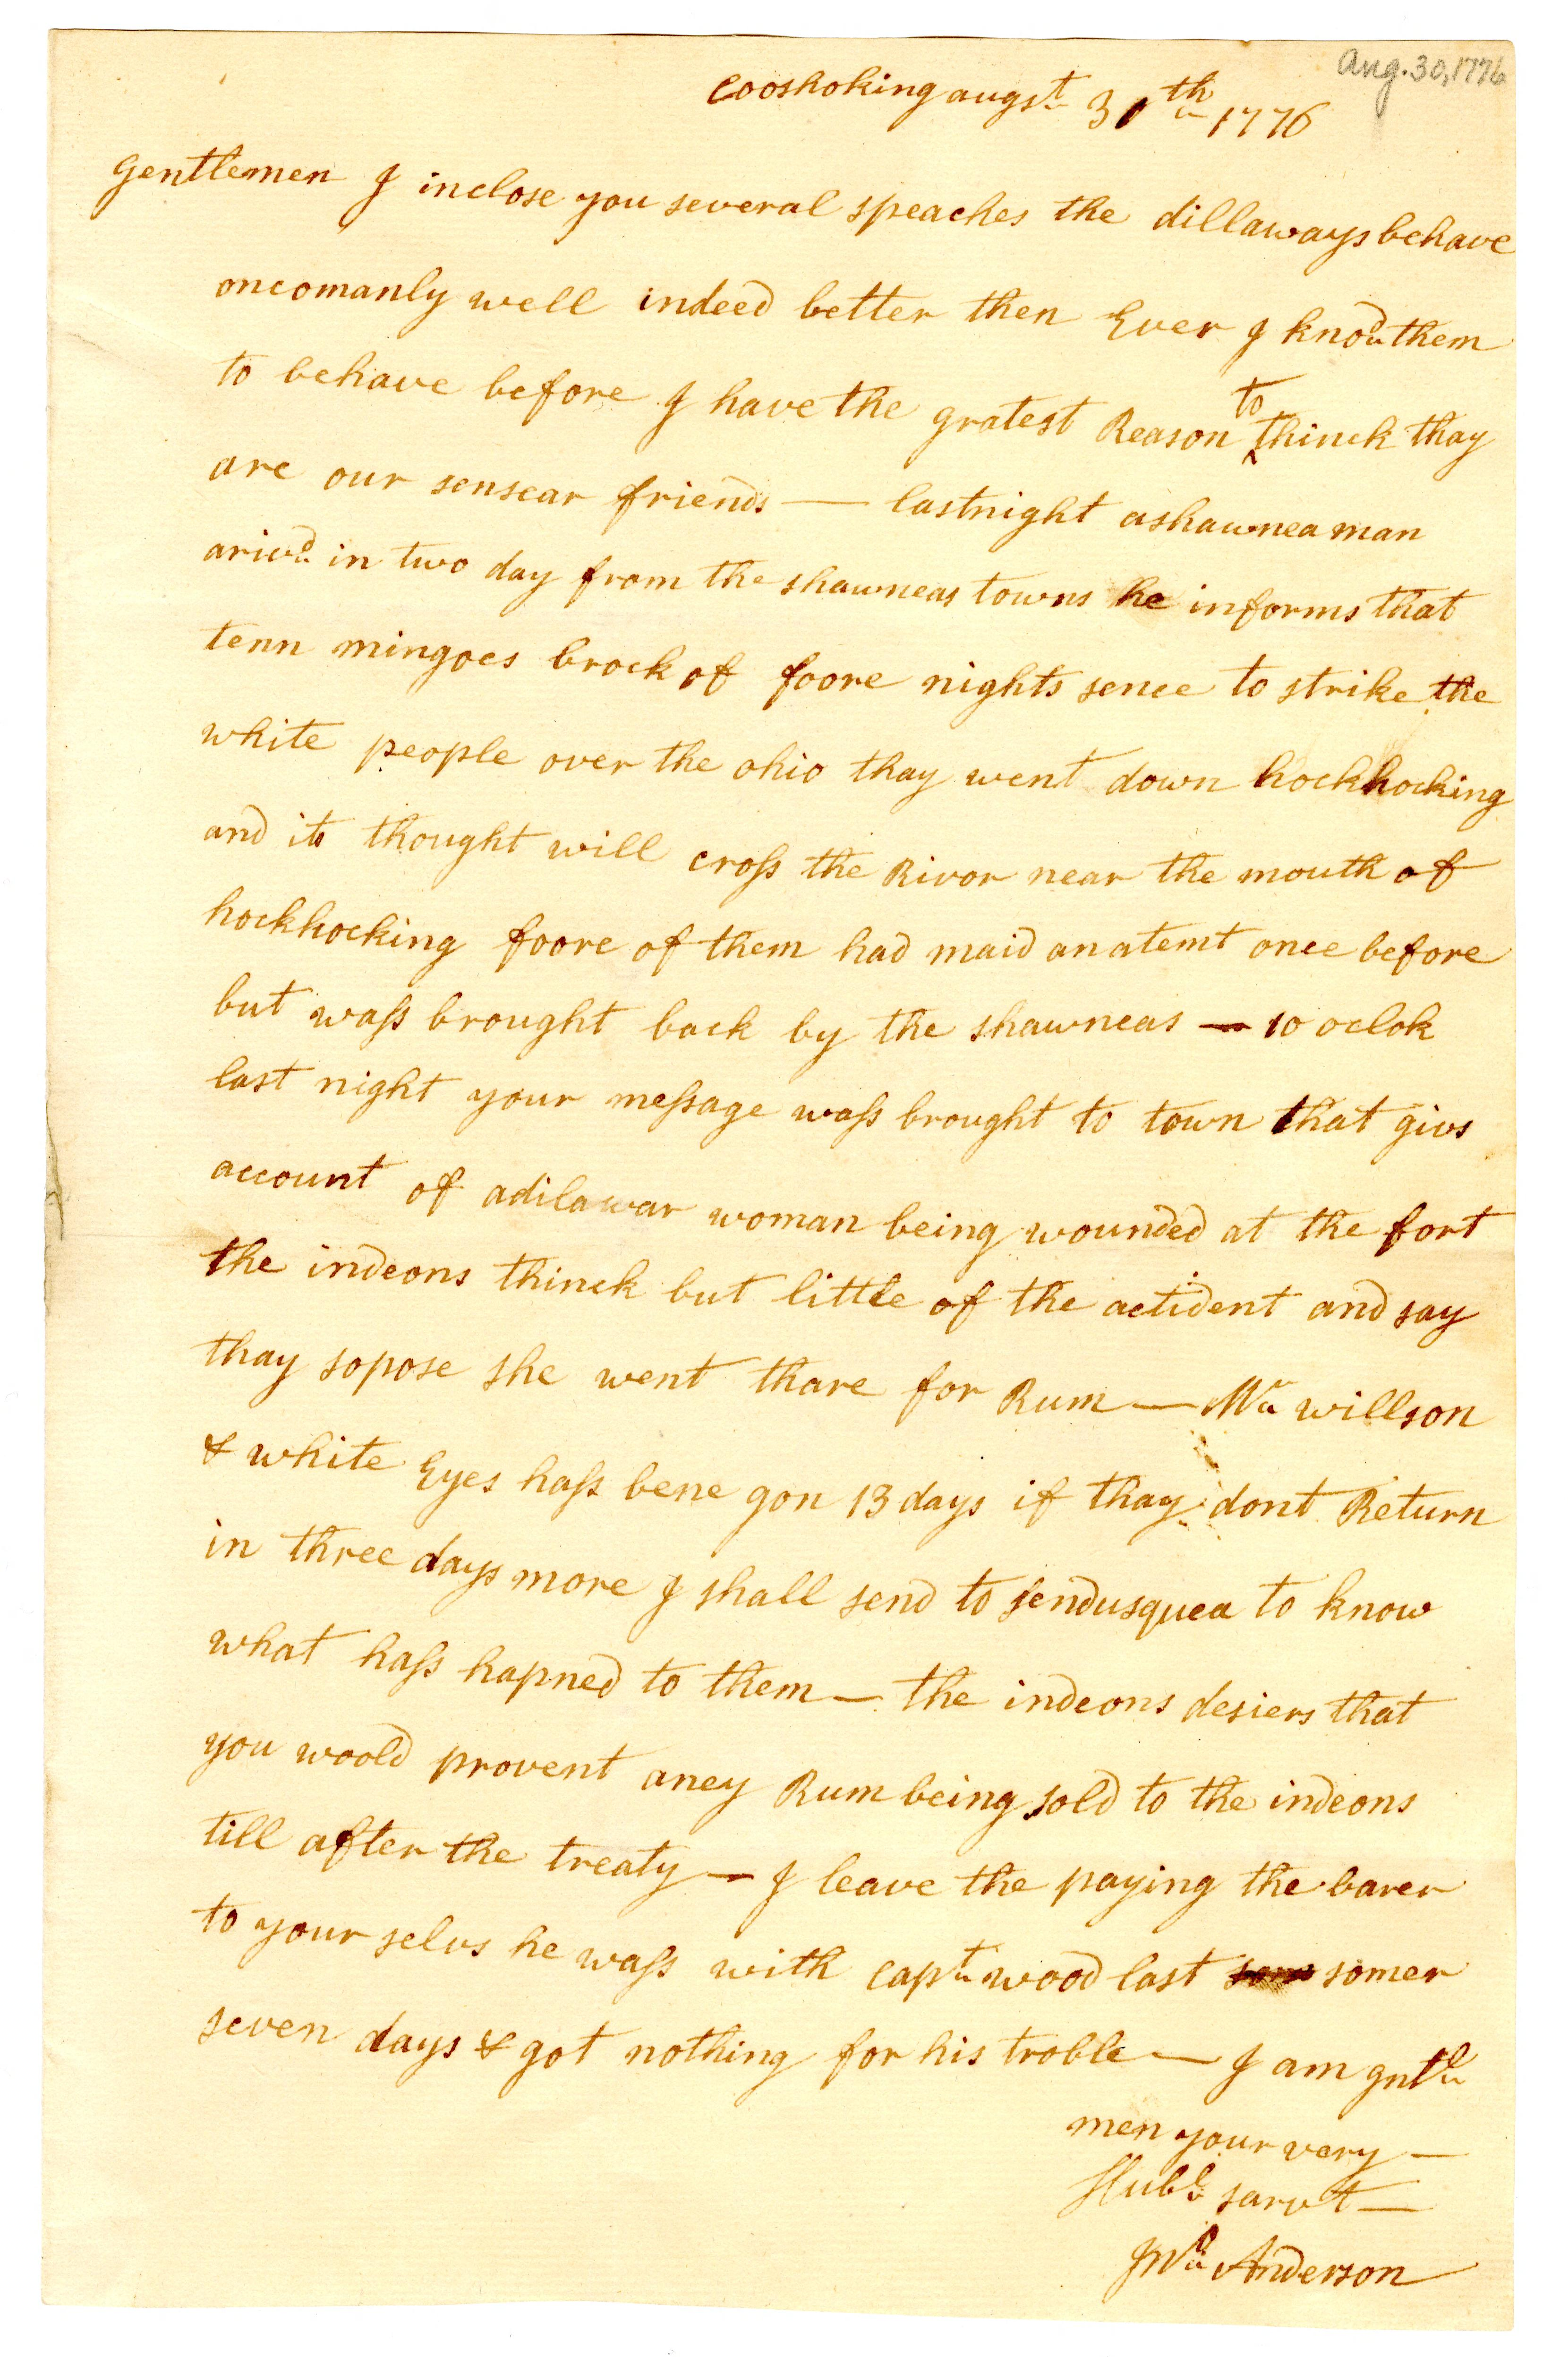cooshoking augs^t 30^th. 1776
gentlemen
I inclose you several speaches the dillaways behave
oncomanly well indeed better then Ever I kno^d them
to behave before I have the gratest Reason ^to thinck thay
are our sensear friends.- lastnight ashawnea man
ariv^d in two day from the shawneas towns he informs that
tenn mingoes brock of foore nights sence to strike the
white people over the ohio thay went down hockhocking
and its thought will cross the Rivor near the mouth of
hockhocking foore of them had maid an atemt once before
but wass brought back by the shawneas- 10 oclok
last night your message wass brought to town that givs
account of a dilawar woman being wounded at the fort
the indeons thinck but little of the actident and say
thay sopose she went thare for Rum- M^r Willson
& white Eyes hass bene gon 13 days if thay dont Return
in three days more I shall send to sendusquea to know
what hass hapned to them- the indeons desiers that
you woold provent aney Rum being sold to the indeons
till after the treaty- I leave the paying the barer
to your selvs he wass with cap^t wood last [____] somer
seven days & got nothing for his troble- I am gnt^e-
men your very-
Hub^l. sarvt-
M^r Anderson